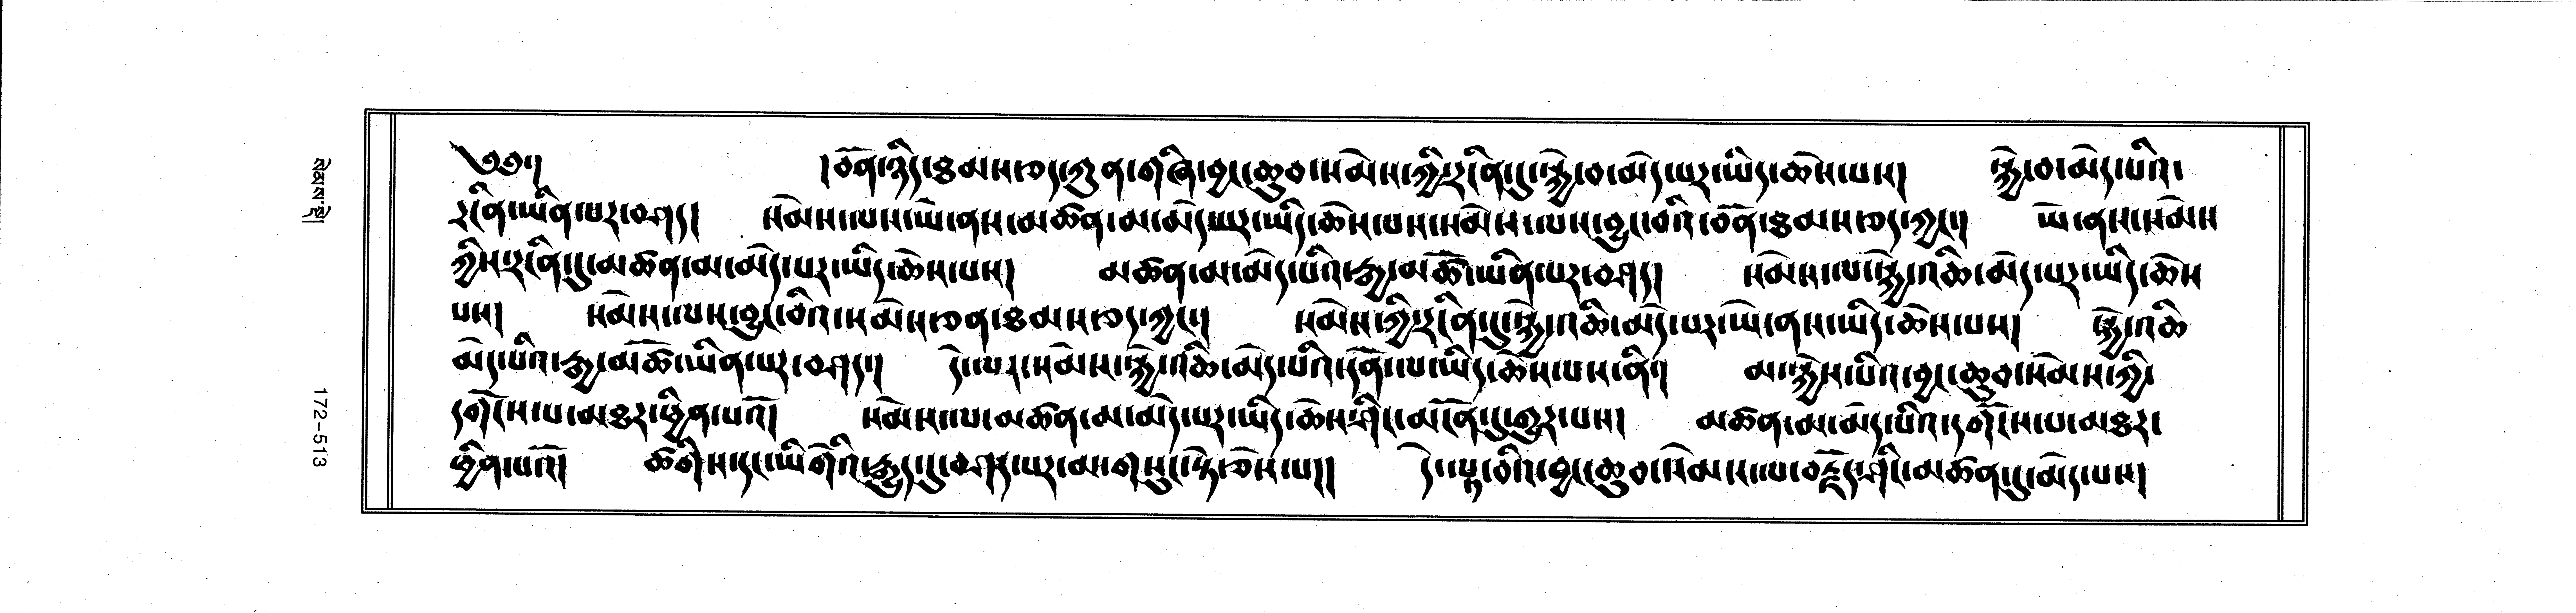བོན་ཉིད་ཐམས་ཅད་ཀུན་གཞི་བྱང་ཆུབ་སེམས་ཀྱི་རང་བཞིན་དུ་སྐྱེ་བ་མེད་པར་ཡིད་ཆེས་པས། སྐྱེ་བ་མེད་པའི་
རང་བཞིན་ཡིན་པར་བཤད། སེམས་ལས་ཡེ་ནས་མཚན་མ་མེད་པར་ཡིད་ཆེས་པས་སེམས་ལས་བྱུང་བའི་བོན་ཐམས་ཅད་ཀྱང་། ཡེ་ནས་སེམས་
ཀྱིས་རང་བཞིན་དུ་མཚན་མ་མེད་པར་ཡིད་ཆེས་པས། མཚན་མ་མེད་པའི་རྒྱ་མཚོ་ཡིན་པར་བཤད། སེམས་ལ་སྐྱེ་འཆི་མེད་པར་ཡིད་ཆེས་
པས། སེམས་ལས་བྱུང་བའི་སེམས་ཅན་ཐམས་ཅད་ཀྱང་། སེམས་ཀྱི་རང་བཞིན་དུ་སྐྱེ་འཆི་མེད་པར་ཡེ་ནས་ཡིད་ཆེས་པས། སྐྱེ་འཆི་
མེད་པའི་རྒྱ་མཚོ་ཡིན་པར་བཤད། དེ་ལྟར་སེམས་སྐྱེ་འཆི་མེད་པའི་དོན་ལ་ཡིད་ཆེས་པས་ནི། མ་སྐྱེས་པའི་བྱང་ཆུབ་སེམས་ཀྱི་
དགོངས་པ་མཐར་ཕྱིན་པའོ། སེམས་ལ་མཚན་མ་མེད་པར་ཡིད་ཆེས་ཤིང་མངོན་དུ་གྱུར་པས། མཚན་མ་མེད་པའི་དགོངས་པ་མཐར་
ཕྱིན་པའོ། ཚིག་དང་ཡི་གེའི་རྒྱུད་དུ་བཤད་པར་མ་གསུང་སྟེ་ཅེས་པ། དེ་ལྟ་བའི་བྱང་ཆུབ་སེམས་ལ་བརྗོད་ཤིང་མཚན་དུ་མེད་པས།